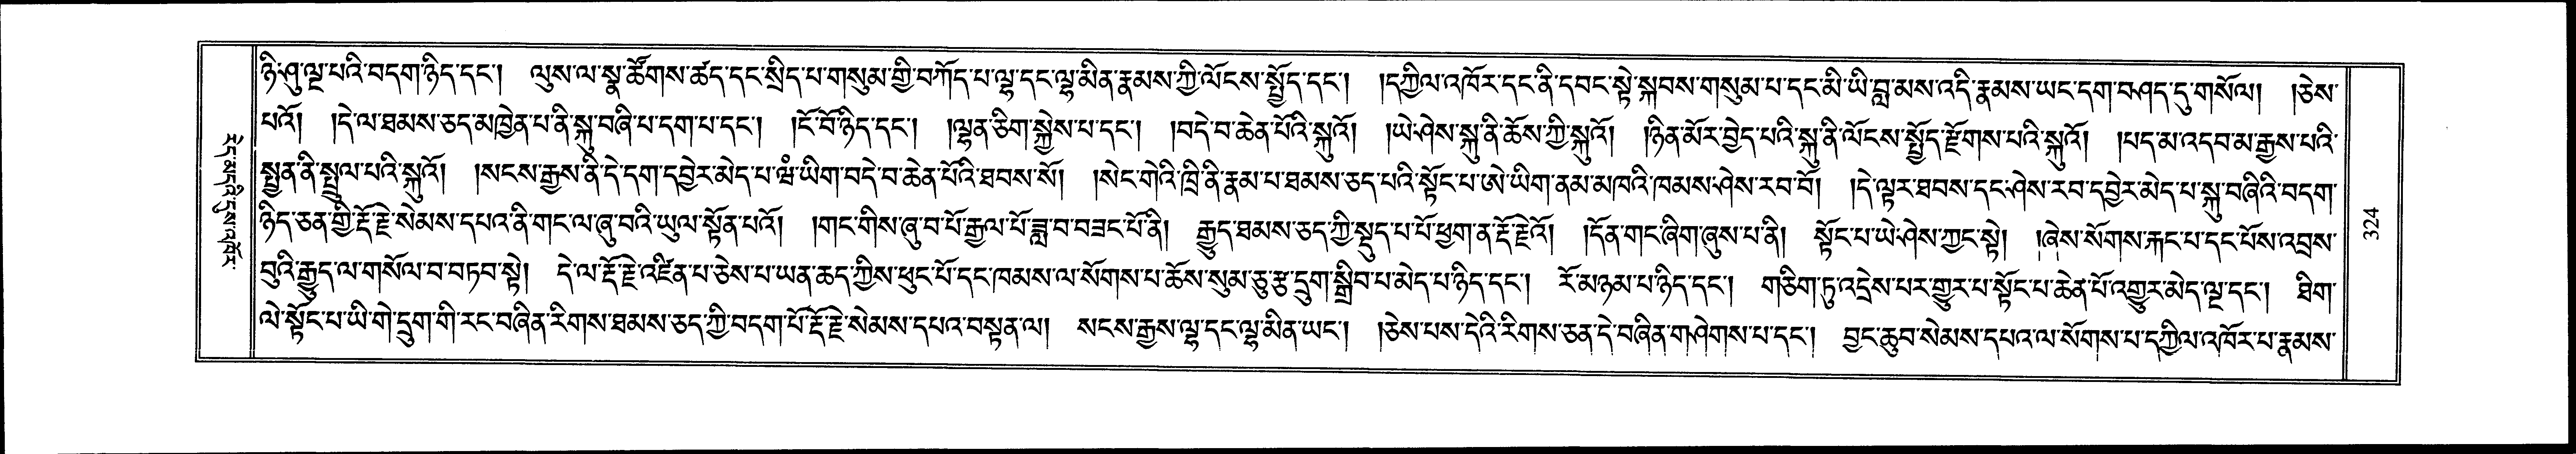ཉི་ཤུ་ལྔ་པའི་བདག་ཉིད་དང་། ལུས་ལ་སྣ་ཚོགས་ཚད་དང་སྲིད་པ་གསུམ་གྱི་བཀོད་པ་ལྷ་དང་ལྷ་མིན་རྣམས་ཀྱི་ལོངས་སྤྱོད་དང་། །དཀྱིལ་འཁོར་དང་ནི་དབང་སྟེ་སྐབས་གསུམ་པ་དང་མི་ཡི་བླ་མས་འདི་རྣམས་ཡང་དག་བཤད་དུ་གསོལ། །ཅེས་
པའོ། །དེ་ལ་ཐམས་ཅད་མཁྱེན་པ་ནི་སྐུ་བཞི་པ་དག་པ་དང་། །ངོ་བོ་ཉིད་དང་། །ལྷན་ཅིག་སྐྱེས་པ་དང་། །བདེ་བ་ཆེན་པོའི་སྐུའོ། །ཡེ་ཤེས་སྐུ་ནི་ཆོས་ཀྱི་སྐུའོ། །ཉིན་མོར་བྱེད་པའི་སྐུ་ནི་ལོངས་སྤྱོད་རྫོགས་པའི་སྐུའོ། །པད་མ་འདབ་མ་རྒྱས་པའི་
སྤྱན་ནི་སྤྲུལ་པའི་སྐུའོ། །སངས་རྒྱས་ནི་དེ་དག་དབྱེར་མེད་པ་ཝཾ་ཡིག་བདེ་བ་ཆེན་པོའི་ཐབས་སོ། །སེང་གེའི་ཁྲི་ནི་རྣམ་པ་ཐམས་ཅད་པའི་སྟོང་པ་ཨེ་ཡིག་ནམ་མཁའི་ཁམས་ཤེས་རབ་བོ། །དེ་ལྟར་ཐབས་དང་ཤེས་རབ་དབྱེར་མེད་པ་སྐུ་བཞིའི་བདག་
ཉིད་ཅན་གྱི་རྡོ་རྗེ་སེམས་དཔའ་ནི་གང་ལ་ཞུ་བའི་ཡུལ་སྟོན་པའོ། །གང་གིས་ཞུ་བ་པོ་རྒྱལ་པོ་ཟླ་བ་བཟང་པོ་ནི། རྒྱུད་ཐམས་ཅད་ཀྱི་སྡུད་པ་པོ་ཕྱག་ན་རྡོ་རྗེའོ། །དོན་གང་ཞིག་ཞུས་པ་ནི། སྟོང་པ་ཡེ་ཤེས་ཀྱང་སྟེ། །ཞེས་སོགས་རྐང་པ་དང་པོས་འབྲས་
བུའི་རྒྱུད་ལ་གསོལ་བ་བཏབ་སྟེ། དེ་ལ་རྡོ་རྗེ་འཛིན་པ་ཅེས་པ་ཡན་ཆད་ཀྱིས་ཕུང་པོ་དང་ཁམས་ལ་སོགས་པ་ཆོས་སུམ་ཅུ་རྩ་དྲུག་སྒྲིབ་པ་མེད་པ་ཉིད་དང་། རོ་མཉམ་པ་ཉིད་དང་། གཅིག་ཏུ་འདྲེས་པར་གྱུར་པ་སྟོང་པ་ཆེན་པོ་འགྱུར་མེད་ལྔ་དང་། ཐིག་
ལེ་སྟོང་པ་ཡི་གེ་དྲུག་གི་རང་བཞིན་རིགས་ཐམས་ཅད་ཀྱི་བདག་པོ་རྡོ་རྗེ་སེམས་དཔའ་བསྟན་ལ། སངས་རྒྱས་ལྷ་དང་ལྷ་མིན་ཡང་། །ཅེས་པས་དེའི་རིགས་ཅན་དེ་བཞིན་གཤེགས་པ་དང་། བྱང་ཆུབ་སེམས་དཔའ་ལ་སོགས་པ་དཀྱིལ་འཁོར་པ་རྣམས་